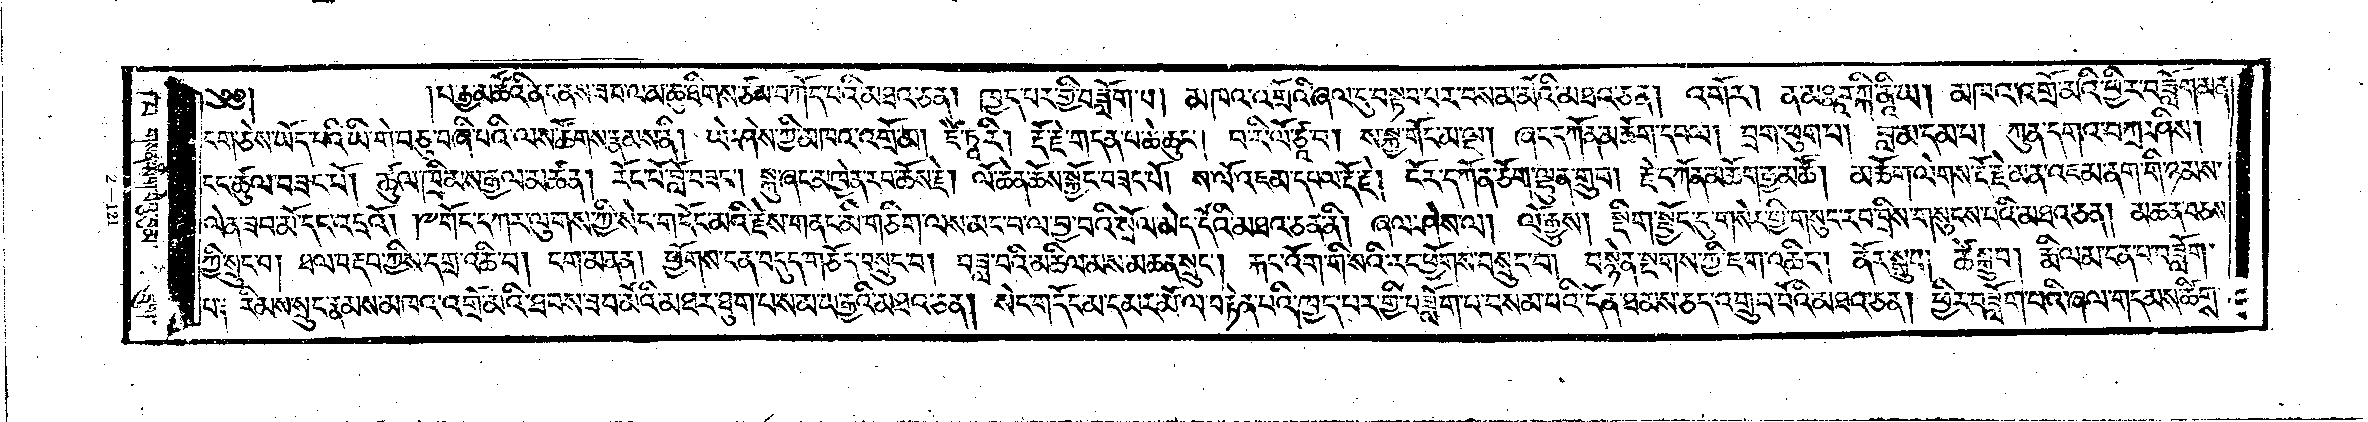༄༅། །པ་རྒྱ་མཚོའི་ནང་ནས་ཟབ་ལམ་ཆུ་ཐིགས་ཙམ་བཀོད་པའི་མཐའ་ཅན། ཁྱད་པར་གྱི་བཟློག་པ། མཁའ་འགྲོའི་ཞལ་དུ་བསྟབ་པར་བསམ་མོའི་མཐའ་ཅན། འགོར། ན་མཿཌཱཀྐི་ནཱི་ཡ། མཁའ་འགྲོ་མའི་ཕྱིར་བཟློག་མན་
ངག་ཅེས་ཡོད་པའི་ཡི་གེ་བཅུ་བཞི་པའི་ལས་ཚོགས་རྣམས་ནི། ཡེ་ཤེས་ཀྱི་མཁའ་འགྲོ་མ། ཛཻ་ཏཱ་རི། རྡོ་རྗེ་གདན་པ་ཆེ་ཆུང་། བ་རི་ལོ་ཙཱ་བ། ས་སྐྱ་གོང་མ་ལྔ། ཞང་དཀོན་མཆོག་དཔལ། བྲག་ཕུག་པ། བླ་མ་དམ་པ། ཀུན་དགའ་བཀྲ་ཤིས།
ངང་ཚུལ་བཟང་པོ། ཚུལ་ཁྲིམས་རྒྱལ་མཚན། རོང་པོ་བློ་བཟང་། སྐུ་ཞང་མཁྱེན་རབ་ཆོས་རྗེ། ལོ་ཆེན་ཆོས་སྐྱོང་བཟང་པོ། ས་ལོ་འཇམ་དཔལ་རྡོ་རྗེ། ངོར་དཀོན་ཅོག་ལྷུན་གྲུབ། རྗེ་དཀོན་མཆོག་རྒྱ་མཚོ། མཆོག་ལེགས་རྡོ་རྗེ་མན་འཇམ་ནག་གི་ཉམས་
ལེན་ཟབ་མོ་དང་འདྲའོ། །༧གོང་དཀར་ལུགས་ཀྱི་སེང་གདོང་མའི་རྗེས་གནང་མི་གཅིག་ལས་མང་བ་ལ་བྱ་བའི་སྲོལ་མེད་དོའི་མཐའ་ཅན་ནི། ཞལ་ཤེས་ལ། ལོ་རྒྱུས། སྡིག་སྦྱོང་དུ་གསེར་གྱི་གསུང་རབ་བྲིས་གསུངས་པའི་མཐའ་ཅན། མཆན་བཅས་
ཀྱི་སྲུང་བ། ཐལ་བརྡབ་ཀྱིས་དགྲ་འཆི་བ། ངག་མནན། ཕྱོགས་ངན་བདུད་གཅོད་བསྲུང་བ། བཟླ་བའི་མཆིལ་མས་མཆན་སྲུང་། རྐང་འོག་གི་སའི་རང་ཕྱོགས་བསྲུང་བ། བསྙེན་སྔགས་ཀྱི་ཇག་འཆིང་། ནོར་སྒྲུབ། ཚེ་སྒྲུབ། རྨི་ལམ་ངན་པ་བཟློག་
པ༑ རིམས་སྲུང་རྣམས་མཁའ་འགྲོ་མའི་ཐབས་ཟབ་མོའི་མཐར་ཐུག་བསམ་ཡ་རྒྱའི་མཐའ་ཅན། སེང་གདོང་མ་དམར་མོ་ལ་བརྟེན་པའི་ཁྱད་པར་གྱི་བཟློག་པ་བསམ་པའི་དོན་ཐམས་ཅད་འགྲུབ་བོའི་མཐའ་ཅན། ཕྱིར་བཟློག་པའི་ཞལ་གདམས་ཚིགས་